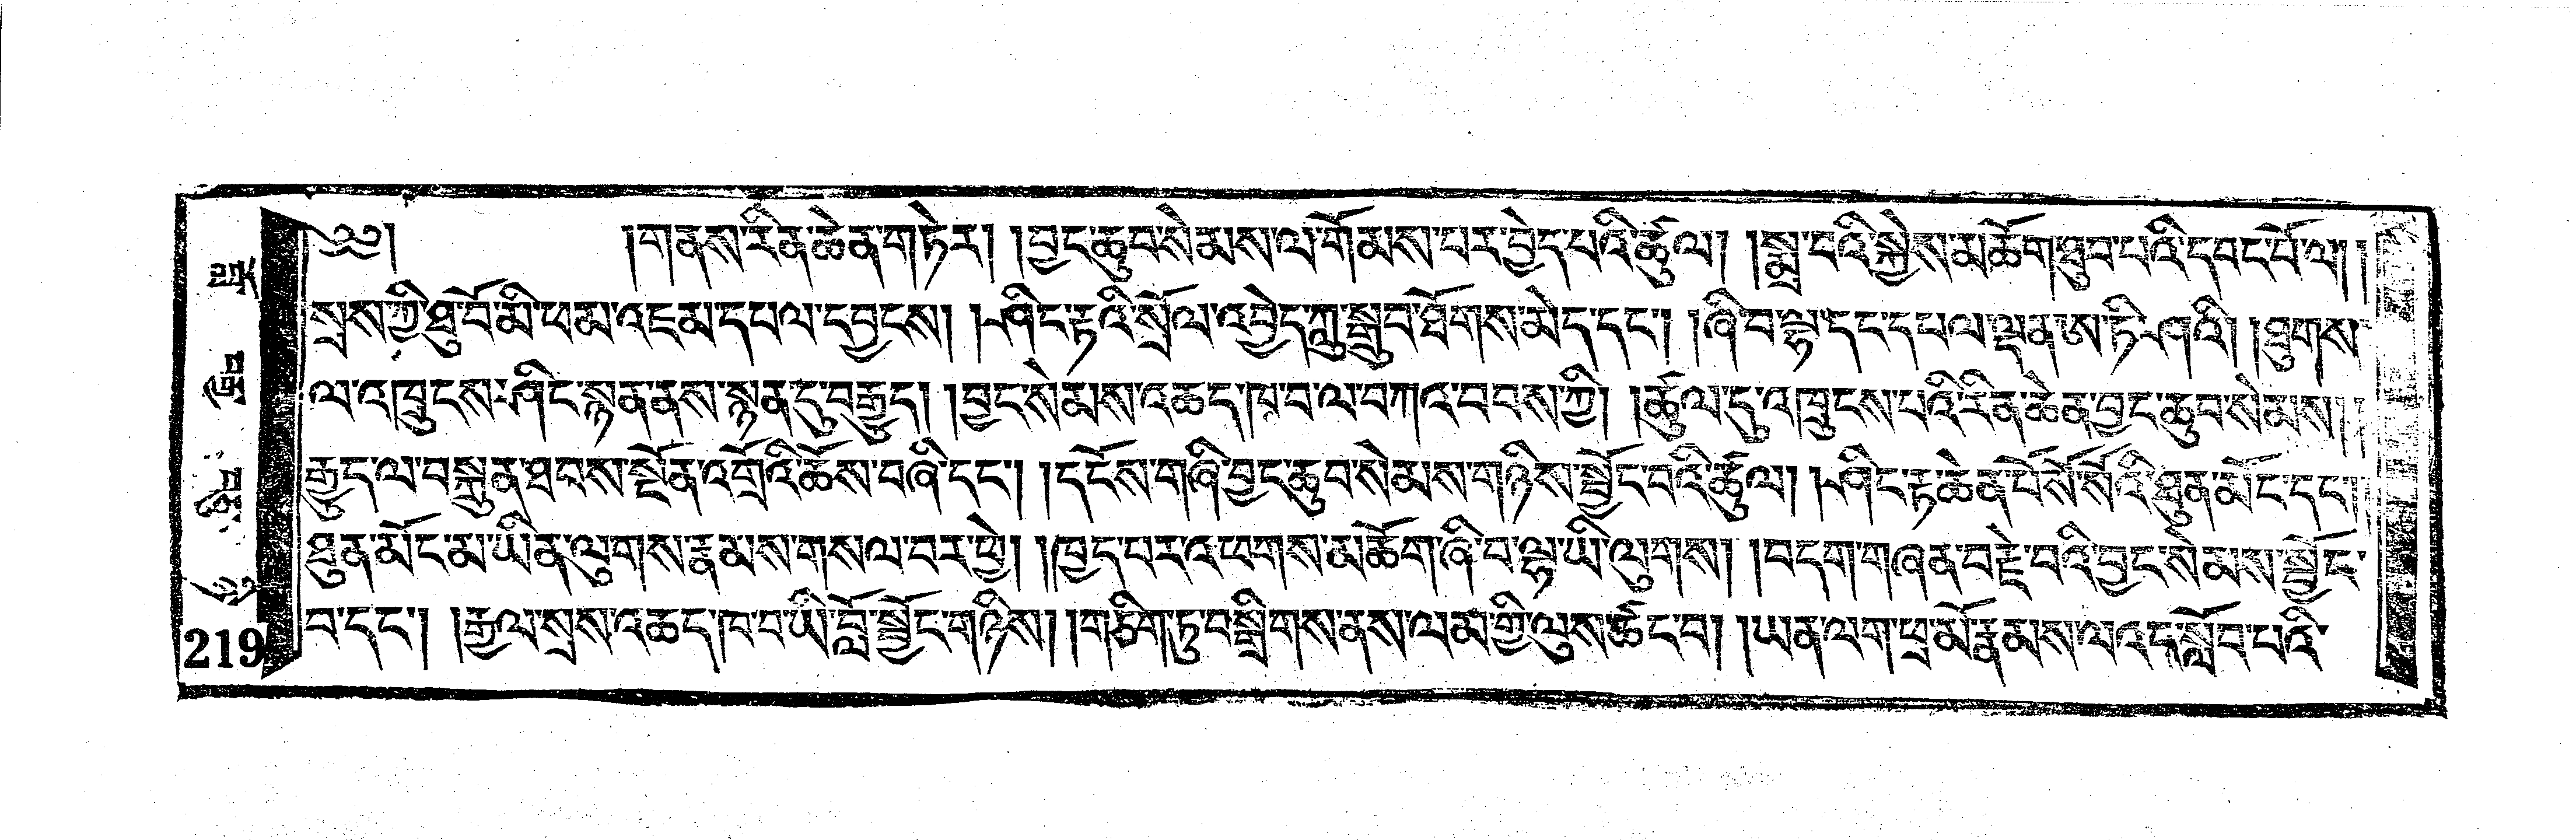༄༅། །གནས་རིན་ཆེན་གཏེར། །བྱང་ཆུབ་སེམས་ལ་གོམས་པར་བྱེད་པའི་ཚུལ། །སྨྲ་བའི་སྐྱེས་མཆོག་ཐུབ་པའི་དབང་པོ་ལ། །
སྲས་ཀྱི་ཐུ་བོ་མི་ཕམ་འཇམ་དཔལ་དབྱངས། །ཤིང་རྟའི་སྲོལ་འབྱེད་ཀླུ་སྒྲུབ་ཐོགས་མེད་དང་། །ཞི་བ་ལྷ་དང་དཔལ་ལྡན་ཨ་ཏི་ཤའི། །ཐུགས་
ལ་འཁྲུངས་ཤིང་སྙན་ནས་སྙན་དུ་བརྒྱུད། །བྱང་སེམས་འཆད་ཁ་བ་ལ་བཀའ་བབས་ཀྱི། །ཚུལ་དུ་འཁྲུངས་པའི་རིན་ཆེན་བྱང་ཆུབ་སེམས། །
རྒྱུད་ལ་བསྐྲུན་ཐབས་སྔོན་འགྲོའི་ཆོས་བཞི་དང་། །དངོས་གཞི་བྱང་ཆུབ་སེམས་གཉིས་སྦྱོང་བའི་ཚུལ། །ཤིང་རྟ་ཆེན་པོ་སོ་སོའི་ཐུན་མོང་དང་། །
ཐུན་མོང་མ་ཡིན་ལུགས་རྣམས་གསལ་བར་ཕྱེ། །ཁྱད་པར་འཕགས་མཆོག་ཞི་བ་ལྷ་ཡི་ལུགས། །བདག་གཞན་བརྗེ་བའི་བྱང་སེམས་སྦྱོང་
བ་དང་། །རྒྱལ་སྲས་འཆད་ཁ་བ་ཡི་བློ་སྦྱོང་གཉིས། །གཅིག་ཏུ་བསྒྲིགས་ནས་ལམ་གྱི་ལུས་ཚང་བ། །ཡན་ལག་ཕྲ་མོ་རྣམས་ལའང་སློབ་པའི་